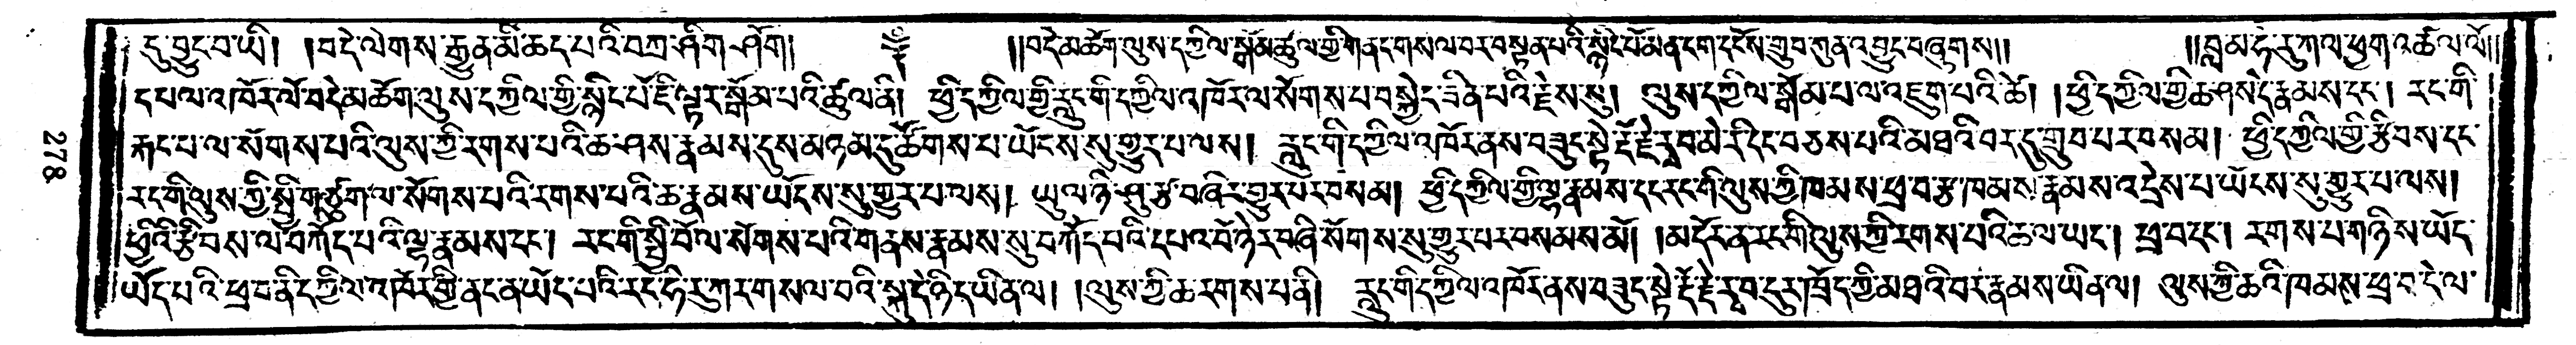དུ་བྱུང་བ་ཡི། །བདེ་ལེགས་རྒྱུན་མི་ཆད་པའི་བཀྲ་ཤིས་ཤོག། ༈ །།བདེ་མཆོག་ལུས་དཀྱིལ་སྒོམ་ཚུལ་གྱི་གནང་གསལ་བར་བསྟན་པའི་སྙིང་པོ་མན་ངག་དངོས་གྲུབ་ཀུན་འབྱུང་བཞུགས།། །།བླ་མ་ཧེ་རུ་ཀ་ལ་ཕྱག་འཚལ་ལོ།།
དཔལ་འཁོར་ལོ་བདེ་མཆོག་ལུས་དཀྱིལ་གྱི་སྙིང་པོ་ཇི་ལྟར་སྒོམ་པའི་ཚུལ་ནི། ཕྱི་དཀྱིལ་གྱི་རླུང་གི་དཀྱིལ་འཁོར་ལ་སོགས་པ་བསྐྱེད་ཟིན་པའི་རྗེས་སུ། ལུས་དཀྱིལ་སྒོམ་པ་ལ་འཇུག་པའི་ཚེ། །ཕྱི་དཀྱིལ་གྱི་ཆ་ཤས་དེ་རྣམས་དང་། རང་གི་
རྐང་པ་ལ་སོགས་པའི་ལུས་ཀྱི་རགས་པའི་ཆ་ཤས་རྣམས་དུས་མཉམ་དུ་ཚོགས་པ་ཡོངས་སུ་གྱུར་པ་ལས། རླུང་གི་དཀྱིལ་འཁོར་ནས་བཟུང་སྟེ་རྡོ་རྗེ་རྭ་བ་མེ་རི་དང་བཅས་པའི་མཐའི་བར་དུ་གྲུབ་པར་བསམ། ཕྱི་དཀྱིལ་གྱི་རྩིབས་དང་
རང་གི་ལུས་ཀྱི་སྤྱི་གཙུག་ལ་སོགས་པའི་རགས་པའི་ཆ་རྣམས་ཡོངས་སུ་གྱུར་པ་ལས། ཡུལ་ཉི་ཤུ་རྩ་བཞིར་གྱུར་པར་བསམ། ཕྱི་དཀྱིལ་གྱི་ལྷ་རྣམས་དང་རང་གི་ལུས་ཀྱི་ཁམས་ཕྲ་བ་རྩ་ཁམས་རྣམས་འདྲེས་པ་ཡོངས་སུ་གྱུར་པ་ལས།
ཕྱིའི་རྩིབས་ལ་བཀོད་པའི་ལྷ་རྣམས་དང་། རང་གི་སྤྱི་བོ་ལ་སོགས་པའི་གནས་རྣམས་སུ་བཀོད་པའི་དཔའ་བོ་ཉེར་བཞི་སོགས་སུ་གྱུར་པར་བསམས་མོ། །མདོར་ན་རང་གི་ལུས་ཀྱི་རགས་པའི་ཆ་ལ་ཡང་། ཕྲ་བ་དང་། རགས་པ་གཉིས་ཡོད་
ཡོད་པའི་ཕྲ་བ་ནི་དཀྱིལ་འཁོར་གྱི་ནང་ན་ཡོད་པའི་རང་ཧི་རུ་ཀར་གསལ་བའི་སྐུ་དེ་ཉིད་ཡིན་ལ། །ལུས་ཀྱི་ཆ་རགས་པ་ནི། རླུང་གི་དཀྱིལ་འཁོར་ནས་བཟུང་སྟེ་རྡོ་རྗེ་རྭ་བ་དུར་ཁྲོད་ཀྱི་མཐའི་བར་རྣམས་ཡིན་ལ། ལུས་ཀྱི་ཆའི་ཁམས་ཕྲ་བ་དེ་ལ་